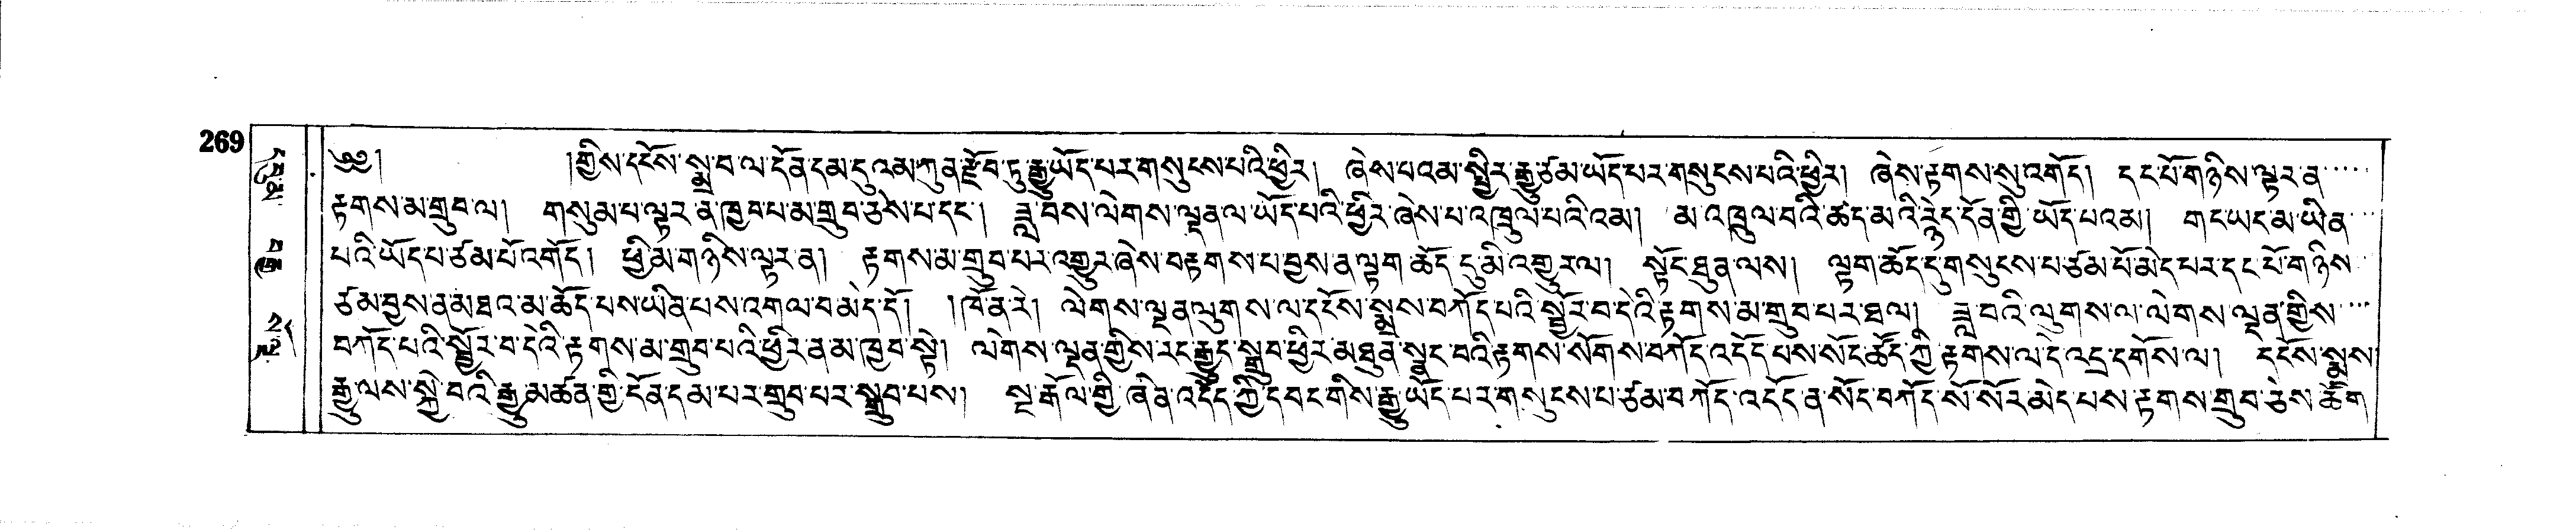༄༅། །གྱིས་དངོས་སྨྲ་བ་ལ་དོན་དམ་དུའམ་ཀུན་རྫོབ་ཏུ་རྒྱུ་ཡོད་པར་གསུངས་པའི་ཕྱིར། ཞེས་པའམ་སྤྱིར་རྒྱུ་ཙམ་ཡོད་པར་གསུངས་པའི་ཕྱིར། ཞེས་རྟགས་སུ་འགོད། དང་པོ་གཉིས་ལྟར་ན་
རྟགས་མ་གྲུབ་ལ། གསུམ་པ་ལྟར་ན་ཁྱབ་པ་མ་གྲུབ་ཅེས་པ་དང་། ཟླ་བས་ལེགས་ལྡན་ལ་ཡོད་པའི་ཕྱིར་ཞེས་པ་འཁྲུལ་པའི་འམ། མ་འཁྲུལ་བའི་ཚད་མའི་རྙེད་དོན་གྱི་ཡོད་པའམ། གང་ཡང་མ་ཡིན་
པའི་ཡོད་པ་ཙམ་པོ་འགོད། ཕྱི་མ་གཉིས་ལྟར་ན། རྟགས་མ་གྲུབ་པར་འགྱུར་ཞེས་བརྟགས་པ་བྱས་ན་ལྟག་ཆོད་དུ་མི་འགྱུར་ལ། སྟོང་ཐུན་ལས། ལྟག་ཆོད་དུ་གསུངས་པ་ཙམ་པོ་མེད་པར་དང་པོ་གཉིས་
ཙམ་བྱས་ན་མཐའ་མ་ཆོད་པས་ཡིན་པས་འགལ་བ་མེད་དོ། །ཁོ་ན་རེ། ལེགས་ལྡན་ལུགས་ལ་དངོས་སྨྲས་བཀོད་པའི་སྦྱོར་བ་དེའི་རྟགས་མ་གྲུབ་པར་ཐལ། ཟླ་བའི་ལུགས་ལ་ལེགས་ལྡན་གྱིས་
བཀོད་པའི་སྦྱོར་བ་དེའི་རྟགས་མ་གྲུབ་པའི་ཕྱིར་ན་མ་ཁྱབ་སྟེ། ལེགས་ལྡན་གྱིས་རང་རྒྱུད་སྒྲུབ་ཕྱིར་མཐུན་སྣང་བའི་རྟགས་སོགས་བཀོད་འདོད་པས་སོང་ཚོད་ཀྱི་རྟགས་ལ་དེ་འདྲ་དགོས་ལ། དངོས་སྨྲས་
རྒྱུ་ལས་སྐྱེ་བའི་རྒྱུ་མཚན་གྱི་དོན་དམ་པར་གྲུབ་པར་སྒྲུབ་པས། སྔ་རྒོལ་གྱི་ཞེན་འདོད་ཀྱི་དབང་གིས་རྒྱུ་ཡོད་པར་གསུངས་པ་ཙམ་བཀོད་འདོད་ན་སོང་བཀོད་སོ་སོར་མེད་པས་རྟགས་གྲུབ་ཅེས་ཚོག་